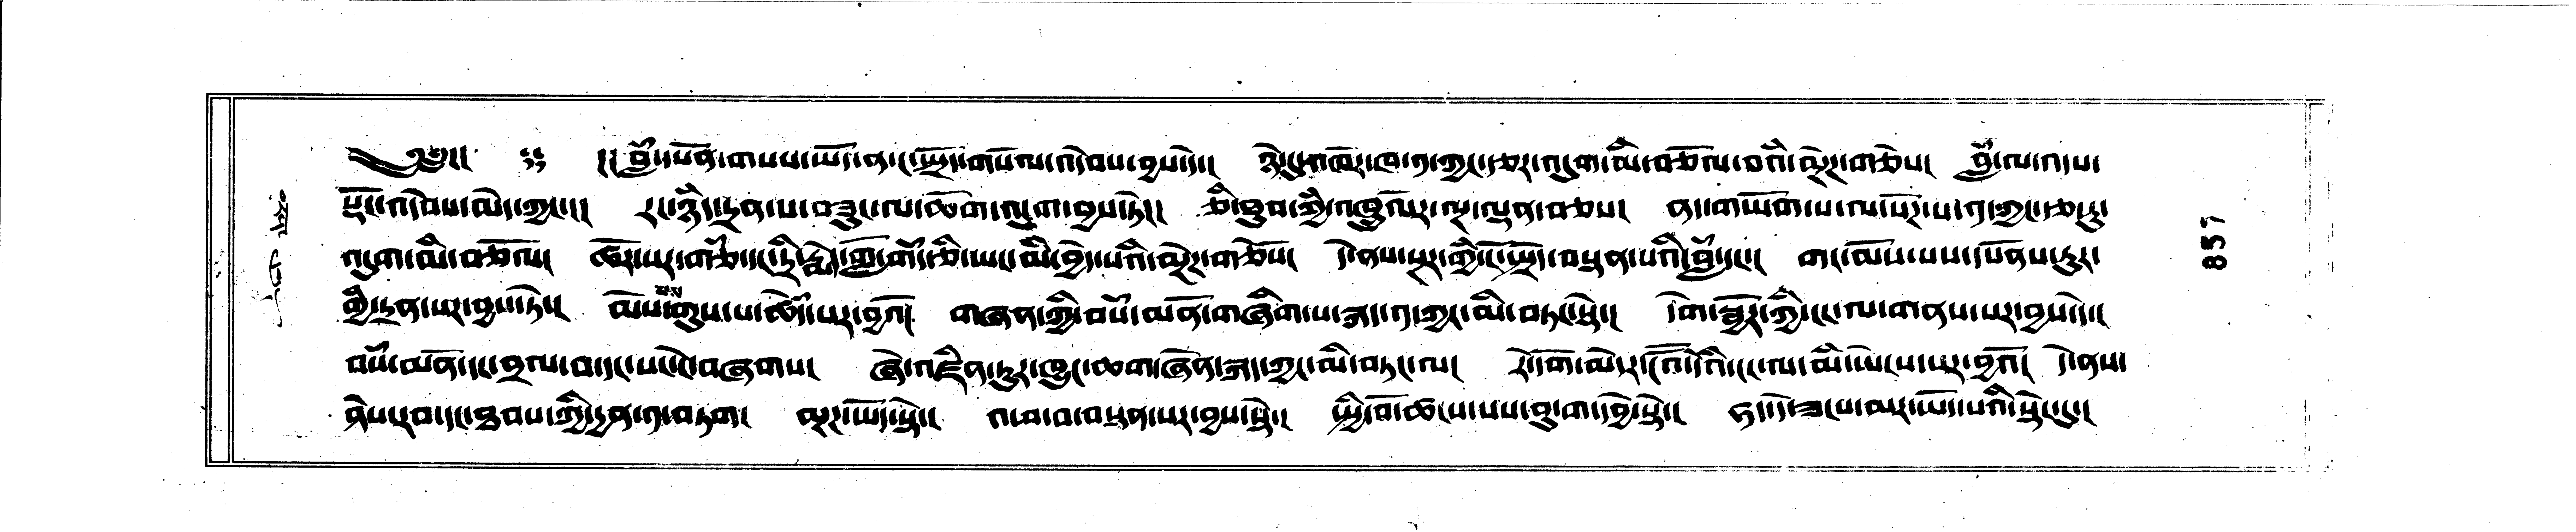བླ་མ་དཔོན་གསས་ཡོད་ན་ངོ་སྤྲོད་གསོལ་འདེབས་བྱས་དེ། ཉེ་དུ་འཁོར་ཁ་ཅིག་ཀྱང་རྩར་འདུག་མི་བཅོལ་བའི་མན་ངག་གཅེས། བླ་མ་ལ་འདས་
སྡོང་འདེབས་མེད་ཀྱང་། རང་ཉིད་དྲན་པ་བཟུང་ལ་ཆོག་འདུག་བྱས་ཏེ། ཅི་ཐུབ་ཀྱི་འཁྲུལ་འཁོར་ལྔ་ལྡན་བཅས། ནད་གཡོག་པ་ལ་སོགས་པ་གཅིག་ཀྱང་རྩ་རུ་
འདུག་མི་བཅོལ། ཚོར་སར་གཅམ་དང་དྲི་རྨེད་གློ་གདམས་ཅི་ཡང་མི་བྱེད་པའི་མན་ངག་གཅེས་སོ། །དེ་ནས་སྔར་གྱི་ངོ་སྤྲོད་བསྟན་པའི་བླ་མ་དང་། གང་མོས་པའི་དཔོན་གསས་ཏུར་
གྱིས་དྲན་པར་བྱས་ཏེ། མོས་པའི་གུས་པ་ཚད་མེད་པར་བྱའོ། །གཞན་གྱི་བསམ་མནོ་གཞིག་པ་སྐད་ཅིག་ཀྱང་མི་བཏང་སྟེ། དགེ་སྦྱོར་གྱི་ངང་ལ་གནས་པར་བྱས་ཏེ། 
བསམ་མནོ་དང་བྲལ་བ་དྭངས་སང་ངེ་བཞག ཞེ་འཛིན་ཏུར་ཁྱུད་ཆགས་ཞེན་སྐད་ཀྱང་མི་བཏང་ལ། རེ་དོགས་མེད་པར་ངོའོ་དེའི་ངང་ལ་མི་ཡེངས་པར་བྱའོ། །དེ་ནས་
ཤེས་རབ་དང་ཐབས་ཀྱི་རྒྱན་ཅིག་བཏགས། མན་ངག་ཡོད་སྟེ། འཕོ་བ་བསྟན་པར་བྱས་སྟེ། སྤྱི་བོ་ཚངས་པས་བུ་ག་དབྱེ་སྟེ། ཧད་དེ་ཟང་མར་ཡོད་པའི་སྟེང་དུ་